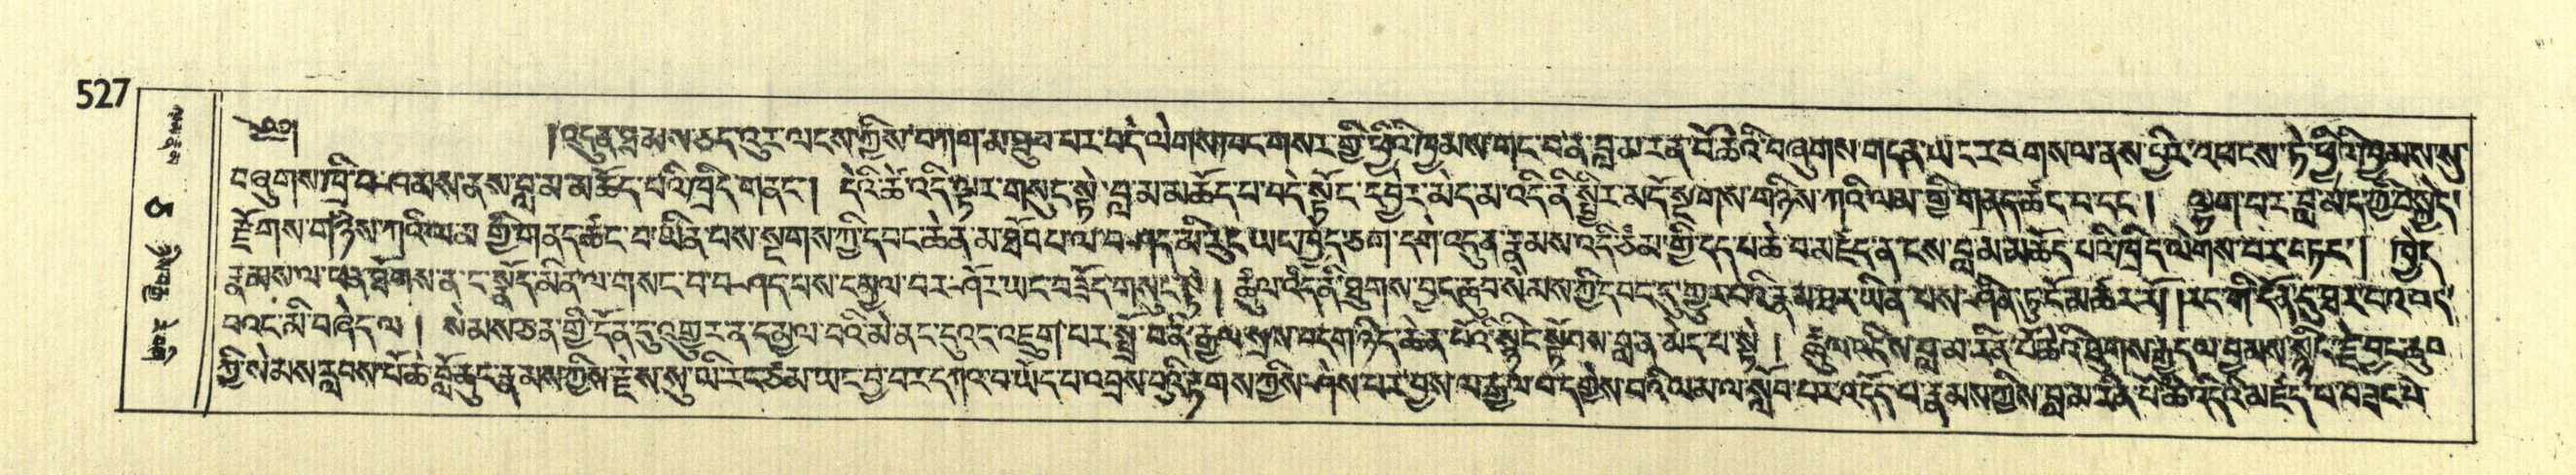༄༅། །འདུན་ཐམས་ཅད་འུར་ལངས་ཀྱིས་བཀག་མ་ཐུབ་པར་བདེ་ལེགས་ཁང་གསར་གྱི་ཕྱིའི་ཁྱམས་གང་བ་ན་བླ་མ་རན་པོ་ཆེའི་བཞུགས་གདན་ཡང་རབ་གསལ་ནས་ཕྱིར་འཕངས་ཏེ་ཕྱིའི་ཁྱམས་སུ་
བཞུགས་ཁྲི་བ་ཤམས་ནས་བླ་མ་མཆོད་པའི་ཁྲིད་གནང་། དེའི་ཚེ་འདི་ལྟར་གསུང་སྟེ་བླ་མ་མཆོད་པ་བདེ་སྟོང་དབྱེར་མེད་མ་འདི་ནི་སྤྱིར་མདོ་སྔགས་གཉིས་ཀའི་ལམ་གྱི་གནད་ཚད་བ་དང་། ལྷག་བར་བླ་མེད་ཀྱི་བསྐྱེད་
རྫོགས་གཉིས་ཀའི་ལམ་གྱི་གནད་ཚང་བ་ཡིན་པས་སྔགས་ཀྱི་དབང་ཆེན་མ་ཐོབ་པ་ལ་བཤད་མི་རུང་ཡང་ཁྱེད་ཅག་དགེ་འདུན་རྣམས་འདི་ཙམ་གྱི་དད་པ་ཆེ་བ་མཛད་ན་ངས་བླ་མ་མཆོད་པའི་ཁྲིད་ལེགས་པར་བཏང་། ཁྱེད་
རྣམས་ལ་ཕན་ཐོགས་ན་ང་སྣོད་མིན་ལ་གསང་བ་བཤད་པས་དམྱལ་བར་ཤོར་ཡང་བཟོད་གསུང་སྟེ། ཚུལ་འདི་ནི་ཐུགས་བྱང་ཆུབ་སེམས་ཀྱི་དབང་དུ་གྱུར་བའི་རྣམ་ཐར་ཡིན་པས་ཤིན་ཏུ་ངོ་མཚར་རོ། །རང་གི་དོན་དུ་ཐར་པའང་བདེ་
པའང་མི་བཞེད་ལ། སེམས་ཅན་གྱི་དོན་དུ་འགྱུར་ན་དམྱལ་བའི་མེ་ནང་དུའང་འཇུག་པར་སྤྲོ་བ་ནི་རྒྱལ་སྲས་བདག་ཉིད་ཆེན་པོའི་སྙིང་སྟོབས་བླ་ན་མེད་པ་སྟེ། ཚུལ་འདིས་བླ་མ་རིན་པོ་ཆེའི་ཐུགས་རྒྱུད་ལ་བྱམས་སྙིང་རྗེ་བྱང་ཆུབ་
ཀྱི་སེམས་རླབས་པོ་ཆེ་བློ་ཆུང་རྣམས་ཀྱིས་རྗེས་སུ་ཡི་རང་ཙམ་ཡང་བྱ་བར་དཀའ་བ་ཡོད་པ་འབྲས་བུའི་རྟགས་ཀྱིས་ཤེས་པར་བྱས་ལ་རྒྱལ་བ་དགྱེས་པའི་ལམ་ལ་སློབ་པར་འདོད་པ་རྣམས་ཀྱིས་བླ་མ་རིན་པོ་ཆེ་འདིའི་མཛད་བ་བཟང་པོ་